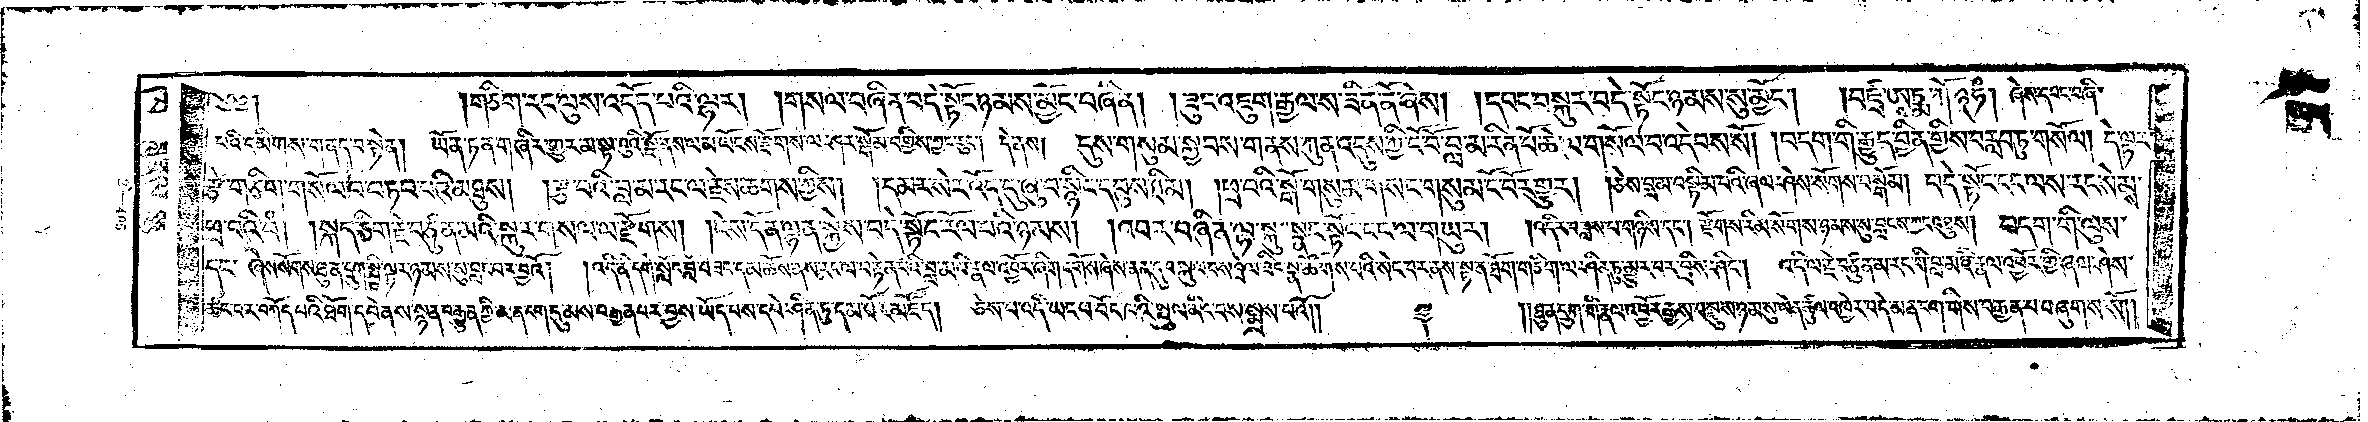༄༅། །གཅིག་རང་ལུས་འདོད་པའི་ལྟར། །གསལ་བཞིན་བདེ་སྟོང་ཉམས་མྱོང་བཞིན། །ཟུང་འཇུག་རྒྱལ་ས་ཟིན་ནོ་ཞེས། །དབང་བསྐུར་བདེ་སྟོང་ཉམས་སུ་མྱོང་། །བཛྲ་ཨཱཏྨ་ཀོ་ཉཧཾ། ཞེས་དབང་བཞི་
པའི་དམིགས་གནད་བསྟེན། ཡོན་ཏན་གཞིར་གྱུར་མ་ལྟ་བུའི་སྒོ་ནས་ལམ་ཡོངས་རྫོགས་ལ་ཤར་སྒོམ་བགྱིས་ཀྱང་རུང་། དེ་ནས། དུས་གསུམ་སྐྱབས་གནས་ཀུན་འདུས་ཀྱི་ངོ་བོ་བླ་མ་རིན་པོ་ཆེ་ལ་གསོལ་བ་འདེབས་སོ། །བདག་གི་རྒྱུད་བྱིན་གྱིས་བརླབ་ཏུ་གསོལ། དེ་ལྟར་
རྩེ་གཅིག་གསོལ་བ་བཏབ་པའི་མཐུས། །རྩ་བའི་བླ་མ་རང་ལ་རྗེས་ཆགས་ཀྱིས། །དམར་སེར་འོད་དུ་ཞུ་བ་སྙིང་དབུས་ཐིམ། །ཕྲ་བའི་སྒོ་གསུམ་གསང་གསུམ་ངོ་བོར་གྱུར། །ཅེས་བླ་མ་བསྟིམ་པའི་ཞལ་ཤེས་སོགས་བསྒོམ།  བདེ་སྟོང་ངང་ལས་རང་སེམས་
ཕྲ་བའི་བཾ། །སྐད་ཅིག་རྗེ་བཙུན་མའི་སྐུ་ར་གསལ་ལ་རྫོགས། །ངེས་དོན་ལྷན་སྐྱེས་བདེ་སྟོང་རོལ་པའི་ཉམས། །འབར་བཞིན་ལྷ་སྐུ་སྣང་སྟོང་ངང་ལ་གཡུར། །འདིར་བཟླས་པ་གཉིས་དང་། རྫོགས་རིམ་སོགས་ཉམས་སུ་བླངས་ཀྱང་འཐུས།  བདག་གི་ལུས་
དང་ཞེས་སོགས་ཐུན་དྲུག་སྤྱི་ལྟར་ཉམས་སུ་བླ་བར་བྱའོ། །འདི་ནི་དགེ་སློབ་བློ་བཟང་དམ་ཆོས་ནས་རང་ལ་བརྟེན་པའི་བླ་མའི་རྣལ་འབྱོར་ཞིག་དགོས་ཞེས་ནན་དུ་བསྐུལ་བས་བྲེལ་ཟིང་སྣ་ཚོགས་པའི་སེང་པར་ནས་སྟན་ཐོག་གཅིག་ལ་ཤིན་ཏུ་མྱུར་བར་བྲིས་ཤིང་། འདི་ལ་རྗེ་བཙུན་མ་རང་གི་བླ་མའི་རྣལ་འབྱོར་གྱི་ཞལ་ཤེས་
ཚང་བར་བཀོད་པའི་ཐོག་དབྱེན་ས་སྙན་བརྒྱུན་ཀྱི་མན་ངག་དུ་མས་བརྒྱན་པར་བྱས་ཡོད་པས་དཔེ་ཤིན་ཏུ་དམ་པོར་མཛོད། ཅེས་པ་འདི་ཡང་པ་བོང་ཁའི་སྤྲུལ་མིང་པས་སྨྲས་པའོ།། ༈ །།ཐུན་དྲུག་གི་རྣལ་འབྱོར་རྒྱས་བསྡུས་ཉམྶུ་ལེན་ཚུལ་འཁྱེར་བདེ་མན་ངག་གིས་བརྒྱན་པ་བཞུགས་སོ།།